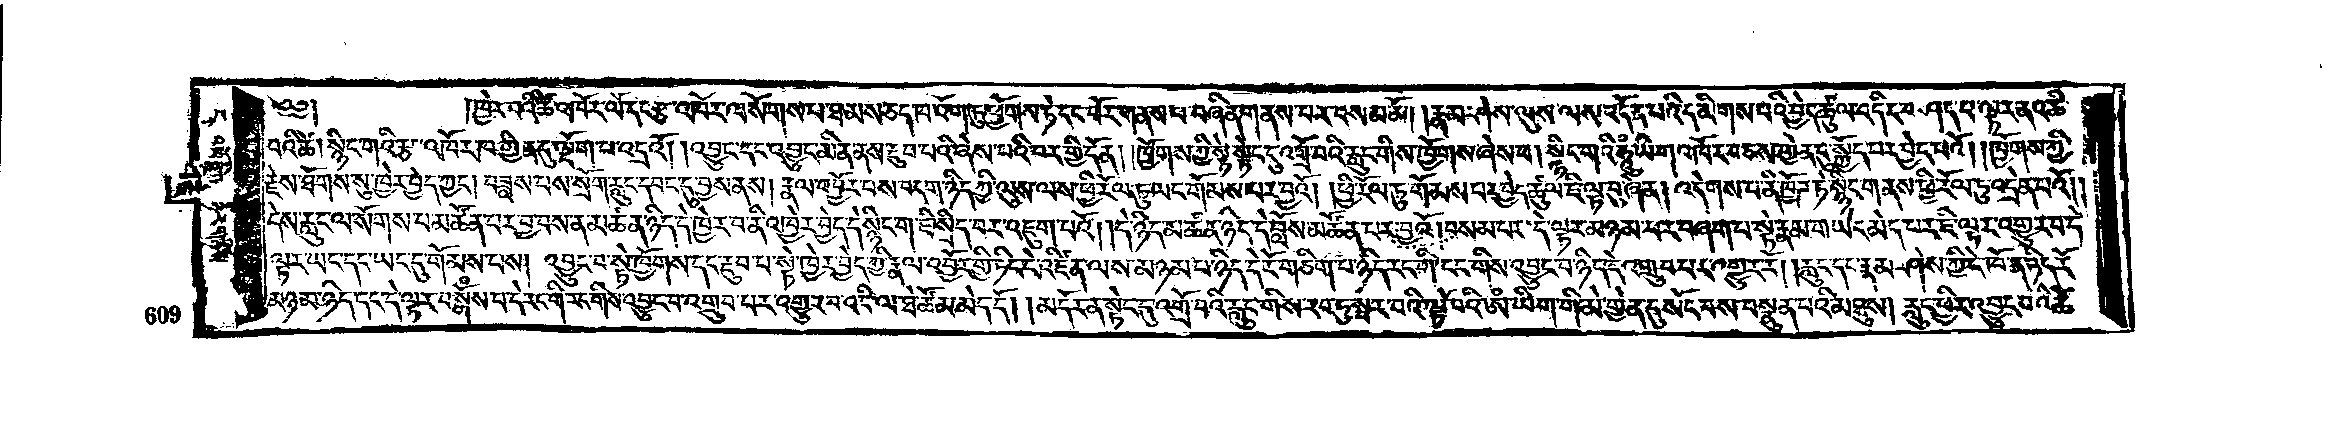༄༅། །ཁྱེར་བའི་ཚེ་འཁོར་ལོ་དང་རྩ་འཁོར་ལ་སོགས་པ་ཐམས་ཅད་ཁ་འོག་ཏུ་ཕྱོགས་ཏེ་དང་པོར་གནས་པ་བཞིན་གནས་པར་བསམ་མོ། །རྣམ་ཤེས་ལུས་ལས་འདོན་པའི་དམིགས་པའི་བྱེད་ཚུལ་འདིར་བཤད་པ་ལྟར་ན་འཆི་
བའི་ཚེ། སྙིང་གའི་རྩ་འཁོར་ཁ་གྱེན་དུ་ལྡོག་པ་འདྲའོ། །འབྱུང་དང་འབྱུང་མིན་ནས་རྡུབ་པའི་ཞེས་པའི་བར་གྱི་དོན། །ཁྱོགས་ཀྱི་སྟེ་སྟེང་དུ་འགྲོ་བའི་རླུང་གིས་ཁྱོགས་ཞེས་པ། སྙིང་གའི་ཧཱུཾ་ཡིག་འཁོར་བཅས་གྱེན་དུ་སྐྱོད་པར་བྱེད་པའོ། །ཁྱོགས་ཀྱི་
རྗེས་ཐོགས་སུ་ཁྱེར་བྱེད་ཀྱང་། བཟླས་པས་སྲོག་རླུང་དབང་དུ་བྱས་ནས། རྣལ་འབྱོར་བས་བདག་ཉིད་ཀྱི་ལུས་ལས་ཕྱི་རོལ་ཏུ་ཡང་གོམས་པར་བྱའོ། །ཕྱི་རོལ་ཏུ་གོམས་པར་བྱེད་ཚུལ་ཇི་ལྟ་བུ་ཞེན། འདེགས་པ་ནི་ཁྱོཌ་ཏེ་སྙིང་གནས་ཕྱི་རོལ་ཏུ་འདྲེན་པའོ། །
དེས་རླུང་ལ་སོགས་པ་མཚོན་པར་བྱ་བས་ན་མཚན་ཉིད་དེ་ཁྱེར་བ་ནི་འཁྱེར་བྱེད་དེ་སྙིང་ག་ཇི་སྲིད་བར་འཇུག་པའོ། །དེ་ཉིད་མཚན་ཉིད་དེ་བློས་མཚོན་པར་བྱའོ། །བསམ་པར་དེ་ལྟར་མཉམ་པར་བཞག་པ་སྟེ་རྣམ་གཡང་མེད་པར་ཇི་ལྟར་འགྱུར་བ་དེ་
ལྟར་ཡང་དང་ཡང་དུ་གོམས་པས། འབྱུང་བ་སྟེ་ཁྱོགས་དང་རྔུབ་པ་སྟེ་ཁྱེར་བྱེད་ཀྱི་རྣལ་འབྱོར་གྱི་ཏིང་ངེ་འཛིན་ལས་མཉམ་པ་ཉིད་དེ་རོ་གཅིག་པ་ཉིད་རང་གི་ངང་གིས་འབྱུང་བ་ཉིད་དེ་འགྲུབ་པར་འགྱུར་རོ། །རླུང་དང་རྣམ་ཤེས་ཀྱི་དེ་ཁོ་ན་ཉིད་རོ་
མཉམ་ཉིད་དང་དེ་ལྟར་བསྒོམས་པ་དེ་རང་གི་རང་གིས་འབྱུང་བ་འགྲུབ་པར་འགྱུར་བ་འདི་ལ་ཐེ་ཚོམ་མེད་དོ། །མདོར་ན་སྟེང་དུ་འགྲོ་བའི་རླུང་གིས་རབ་ཏུ་སྦར་བའི་ལྟོ་བའི་ཨཾ་ཡིག་གི་མེ་གྱེན་དུ་སོང་བས་བསྣུན་པའི་མཐུས། རླུང་ཕྱིར་འབྱུང་བའི་ཚེ་